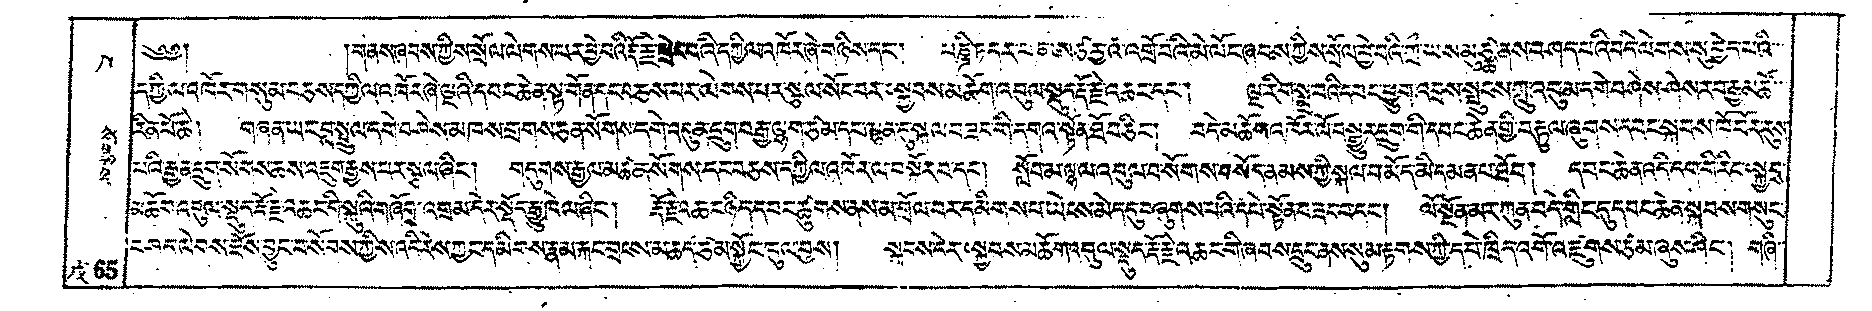༄༅། །གནས་ཞབས་ཀྱིས་སྲོལ་ལེགས་པར་ཕྱེ་བའི་རྡོ་རྗེ་ཕྲེང་བའི་དཀྱིལ་འཁོར་ཞེ་གཉིས་དང་། པཎྜི་ཏ་དར་པཎ་ཨ་ཙརྱ་འཾ་འགྲོ་བའི་མེ་ལོང་ཞབས་ཀྱིས་སྲོལ་ཕྱེ་བའི་ཀྲྀ་ཡ་ས་མུ་ཙྪ་ནས་བཤད་པའི་བདེ་ལེགས་སུ་བྱེད་པའི་
དཀྱིལ་འཁོར་གསུམ་བཅས་དཀྱིལ་འཁོར་ཞེ་ལྔའི་དབང་ཆེན་སྟ་གོན་དང་བཅས་པར་ལེགས་པར་སྩལ་སོང་བར་༧སྐྱབས་མཆོག་འབུལ་སྡུད་རྡོ་རྗེ་འཆང་དང་། ལྔ་རིག་སྨྲ་བའི་དབང་ཕྱུག་འབྲས་སྤུངས་ཀླུ་འབུམ་དགེ་བཤེས་ཤེས་རབ་རྒྱ་མཚོ་
རིན་པོ་ཆེ། གཞན་ཡང་བླ་སྤྲུལ་དགེ་བཤེས་མཁས་གྲགས་ཅན་སོགས་དགེ་འདུན་དྲུག་བརྒྱ་ལྷག་ཙམ་དང་ལྷན་དུ་སྐལ་བཟང་གི་དགའ་སྟོན་ཐོབ་ཅིང་། བདེ་མཆོག་འཁོར་ལོ་བསྒྱུར་དྲུག་གི་དབང་ཆེན་གྱི་བརྟུལ་ཞུགས་དབང་སྐབས་ཁོ་བོར་རུས་
པའི་རྒྱན་དྲུག་སོགས་ཆས་འཇུག་རྒྱས་པར་སྩལ་ཞིང་། གདུགས་རྒྱལ་མཚན་སོགས་དང་བཅས་དཀྱིལ་འཁོར་ལ་བསྐོར་བ་དང་། སློབ་མ་ལྷ་ལ་འབུལ་བ་སོགས་བསོད་ནམས་ཀྱི་སྐལ་བ་མོད་མི་དམན་པ་ཐོབ། དབང་ཆེན་འདི་དག་གི་རིང་༧སྐྱབས་
མཆོག་འབུལ་སྡུད་རྡོ་རྗེ་འཆང་གི་སྐུའི་གཞོགས་འགྲམ་དེར་སྡོད་རྒྱུ་ཁེལ་ཞིང་། རྡོ་རྗེ་འཆང་ཉིད་དབང་ཚུགས་ནས་མ་གྲོལ་བར་དམིགས་པ་ཡེངས་མེད་དུ་བཞུགས་པའི་དཔེ་སྟོན་བཟང་བ་དང་། ལོ་སྔོན་མར་ཀུན་བདེ་གླིང་དུ་དབང་ཆེན་སྐབས་གསུང་
བཤད་ལེགས་ཐོས་བྱུང་བ་སོགས་ཀྱིས་འདི་རེས་ཀྱང་དམིགས་རྣམ་རྐང་གྲངས་མ་ཆད་ཙམ་སྐྱོང་ཁུལ་བྱས། སྐབས་དེར་༧སྐྱབས་མཆོག་འབུལ་སྡུད་རྡོ་རྗེ་འཆང་གི་ཞབས་དྲུང་ནས་སུམ་རྟགས་ཀྱི་དཔེ་ཁྲིད་འགོ་འཛུགས་ཙམ་ཞུས་ཤིང་། གཞི་